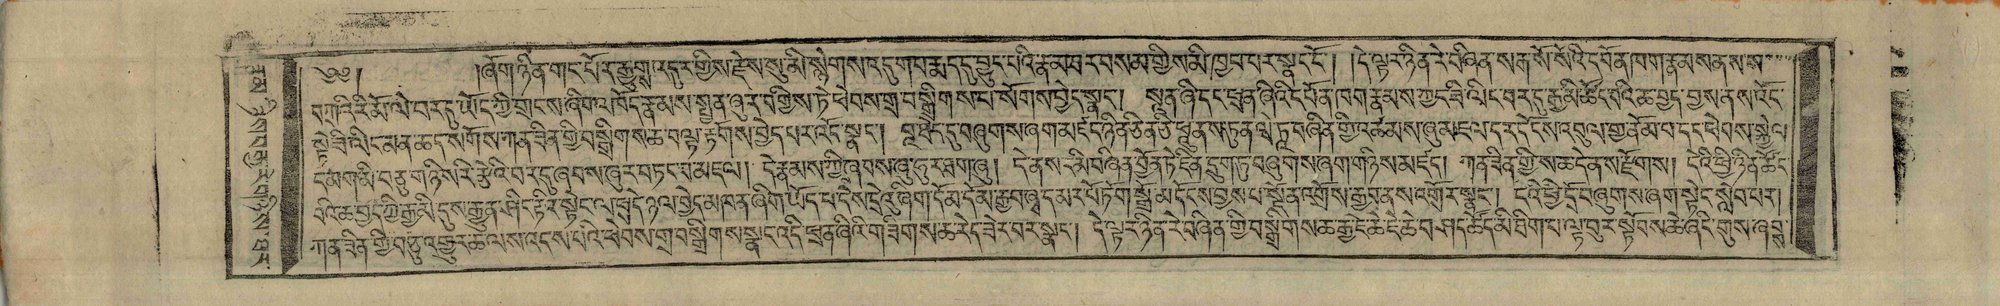༄༅། །ཞོག་ཉིན་གང་པོར་རྒྱུགས་འདུར་གྱིས་རྗེས་སུ་མི་སྙེགས་འདུག་པ་རྨད་དུ་བྱུང་བའི་རྣམ་ཐར་བསམ་གྱིས་མི་ཁྱབ་པར་སྣང་ངོ། །དེ་ལྟར་ཉིན་རེ་བཞིན་སརྒ་སོ་སོའི་དཔོན་ཁག་རྣམས་ནས་ས་
བཀྲའི་རི་མོ་ལེ་བར་དུ་ཡོད་ཀྱི་གྲངས་ཞིབ་འཁོད་རྣམས་སྤྱན་ཞུར་བགྱིས་ཏེ་ཕེབས་གྲ་བསྒྲིགས་པ་སོགས་བྱེད་སྣང་། སཱན་ཞི་དང་ཕྲན་ཞིའི་དཔོན་ཁག་རྣམས་ཀྱང་ཟི་ལིང་བར་དུ་རྒྱ་མི་ཚོང་བའི་ཆ་བྱད་བྱས་ནས་འོང་
སྟེ་ཟི་ལིང་མན་ཆད་སོགས་ཀན་ཟིན་གྱི་བསྒྲིགས་ཆ་བལྟ་རྟོགས་བྱེད་པར་འོང་སྣང་། བཱ་ཐེང་དུ་བཞུགས་ཞག་མཛད་ཉིན་ཅིན་ཅི་ཕཱུ་ནས་ཏུན་ཝེ་ཏཱ་བཞིན་གྱི་འཚམས་ཞུ་མཇལ་དར་དངོས་འབུལ་གྱ་ནོམ་པ་དང་ཕེབས་སྐྱེལ་
དམག་མི་བཅུ་གཉིས་རི་རྩེའི་བར་དུ་ཞབས་ཞུར་བཏང་བ་མཇལ། དེ་རྣམས་ཀྱི་ཞབས་ཞུ་ཧུར་ཐག་ཞུ། དེ་ནས་རིམ་བཞིན་བྱོན་ཏེ་ཇིན་དྲུག་ཏུ་བཞུགས་ཞག་གཉིས་མཛད། ཀན་ཟིན་གྱི་ས་ཆ་དེ་ནས་རྫོགས། དེའི་ཕྱི་ཉིན་ཚོང་
བའི་ཆ་བྱད་ཀྱི་རྒྱ་མི་དུས་རྒྱུན་ཤིང་རྟའི་སྟེང་ལ་ཕྲེད་ཉལ་བྱེད་མཁན་ཞིག་ཡོད་པ་དེས་དྲེའུ་ཞིག་དོམ་དོམ་རྒྱབ་ཞྭ་དམར་པོ་ཏོག་སྒྲོ་མདོངས་བྱས་པ་སྔོན་འགྲོས་རྒྱབ་ནས་འགྲོར་སྣང་། དེའི་ཕྱི་དྲོ་བཞུགས་ཞག་སྟེང་སླེབ་བར།
ཀན་ཟིན་གྱི་བཅུ་འགྱུར་ཆ་ལས་འདས་པའི་ཕེབས་གྲ་བསྒྲིགས་སྣང་འདི་ཕྲན་ཞིའི་གཟིགས་ཆ་རེད་ཟེར་བར་སྣང་། དེ་ལྟར་ཉིན་རེ་བཞིན་གྱི་བསྒྲིགས་ཆ་རྒྱ་ཇེ་ཆེ་ཇེ་ཆེ་བཤད་ཚོད་མི་ཐིག་པ་ལྟ་བུར་སྟོབས་ཆེ་ཞིང་གུས་ཞབས་